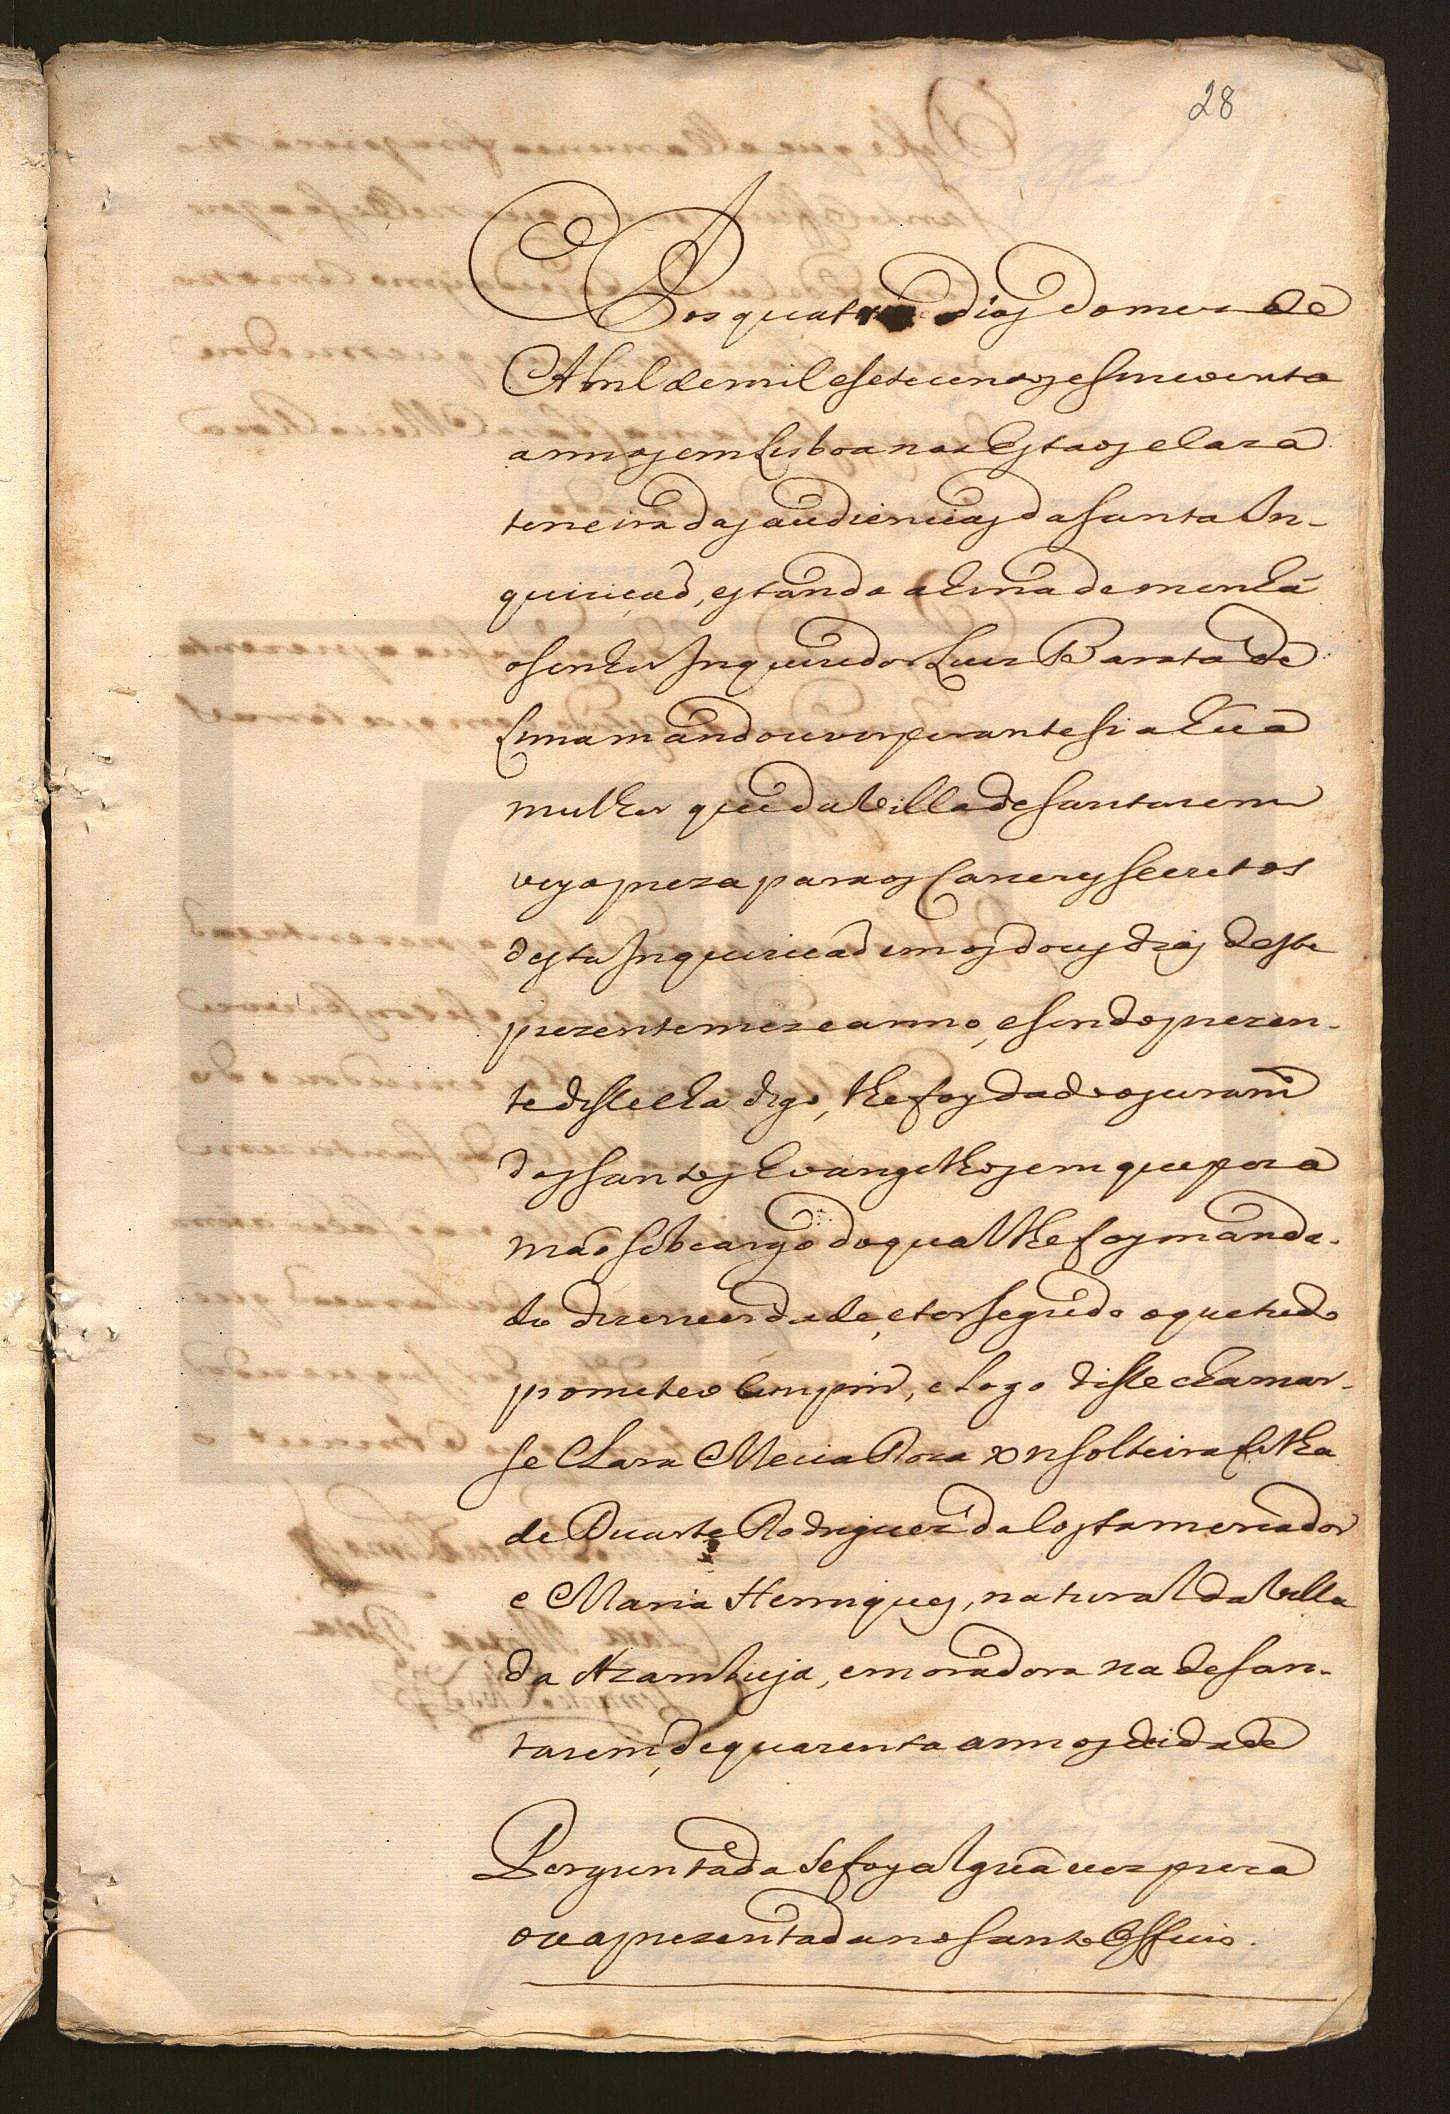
Aos quatro dias do mez de
Abril de mil e setecentos e sincoenta
annos em Lisboa nos Estaos e Caza
terceira das audiencias da santa In
quiziçaõ, estando ahi na de menhã
o senhor Jnquizidor Luiz Barata de
Lima mandou vir perante si a hūa
mulher que da Villa de santarem
veyo preza para os Carceres secretos
desta Jnquiziçaõ em os dous dias deste
prezente mez e anno, e sendo prezen
te disse cha digo, lhe foy dado o juramto
dos santos Evangelhos em que poz a
maõ sob cargo do qual lhe foy manda
do dizer verdade, e ter segredo o que tudo
prometeo cumprir, e Logo disse chamar
se Clara Mecia Roza xn solteira filha
de Duarte Rodriguez da Costa mercador
e Maria Henriques, natural da Villa
da Azambuja, e moradora na de san
tarem, de quarenta annos de idade
Perguntada se foy alguā uez preza
ou aprezentada no santo Officio.
